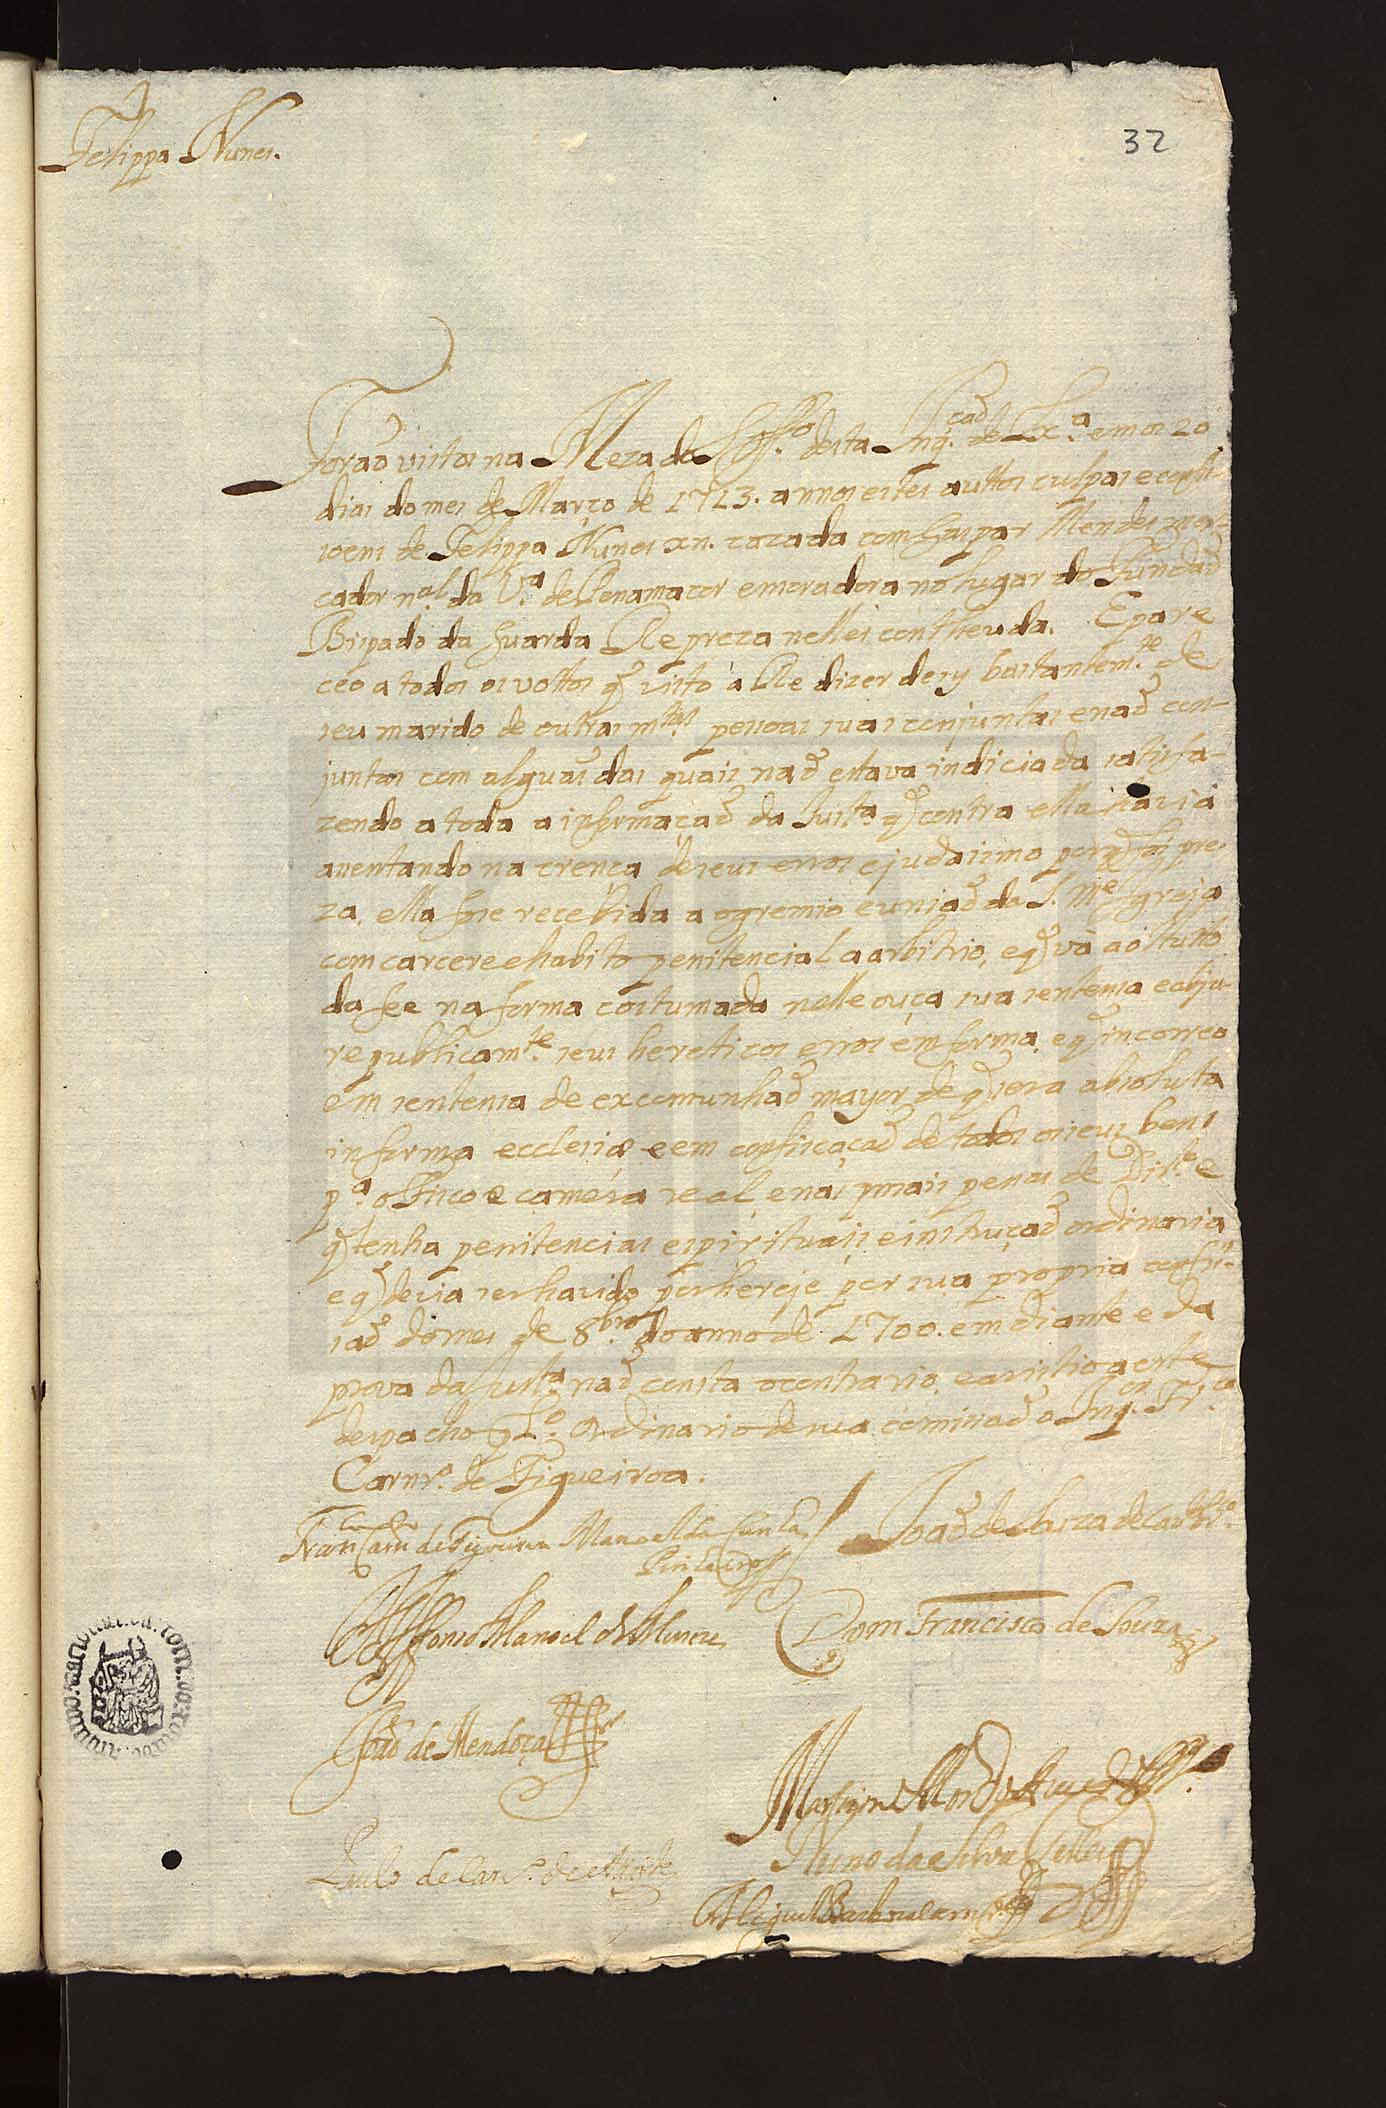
Felippa Nunes.
Foraõ vistos na Meza do S off.o desta Inq.çaõ de Lx.a em os 20
dias do mes de Março de 1713. annos estes auttos culpas e confis
soens de Felippa Nunes xn. cazada com Gaspar Mendes mer
cador n.al da V.a de Penamacor e moradora no Lugar do Fundaõ
Bispado da Guarda Re preza nelles contheuda. E pare
céo a todos os vottos q̄ visto à Re dizer de sy bastantem.te de
seu marido de outras m.tas pessoas suas conjuntas e naõ con
juntos com alguās das quais naõ estava indiciada satisfa
zendo a toda a informaçaõ da Iust.a q̄ contra ella trazia
assentando na crença de seus erros e judaismo porq̄ foi pre
za ella fose recebida ao gremio e uniaõ da S. Me Jgreja
com carcere e habito penitencial a arbitrio, e q̄ và ao Autto
da fee na forma costumada nelle ouça sua sentensa e abju
re publicam.te seus hereticos erros em forma, e q̄ incorreo
em sentensa de excomunhaõ mayor de q̄ sera absoluta
in forma ecclesiæ, e em confiscaçaõ de todos os seus bens
p.a o Fisco e camera real, e nas mais penas de Dir.to e
q̄ tenha penitencias espirituais e instruçaõ ordinaria
e q̄ dezia ser hauido por hereje por sua propria confis
saõ do mes de 8.bro do anno de 1700. em diante e da
prova da Just.a naõ consta o contrario e assistio a este
despacho pl.o ordinario de sua comissaõ o Inq.or Fr.co
Carnr.o de Figueiroa
Ioaõ de Souza de Cas.lo br.co
Franco Carnro de Figueiroa Manoel da Cunha
Pinheiro
Affonso Manoel de Meneze Dom Francisco de Souza
João de Mendoça
Martim Monto Azeuedo
Nuno da Silva Telles
Paulo de Carv.o de Attayde
Miguel Barboza Carnr.o
